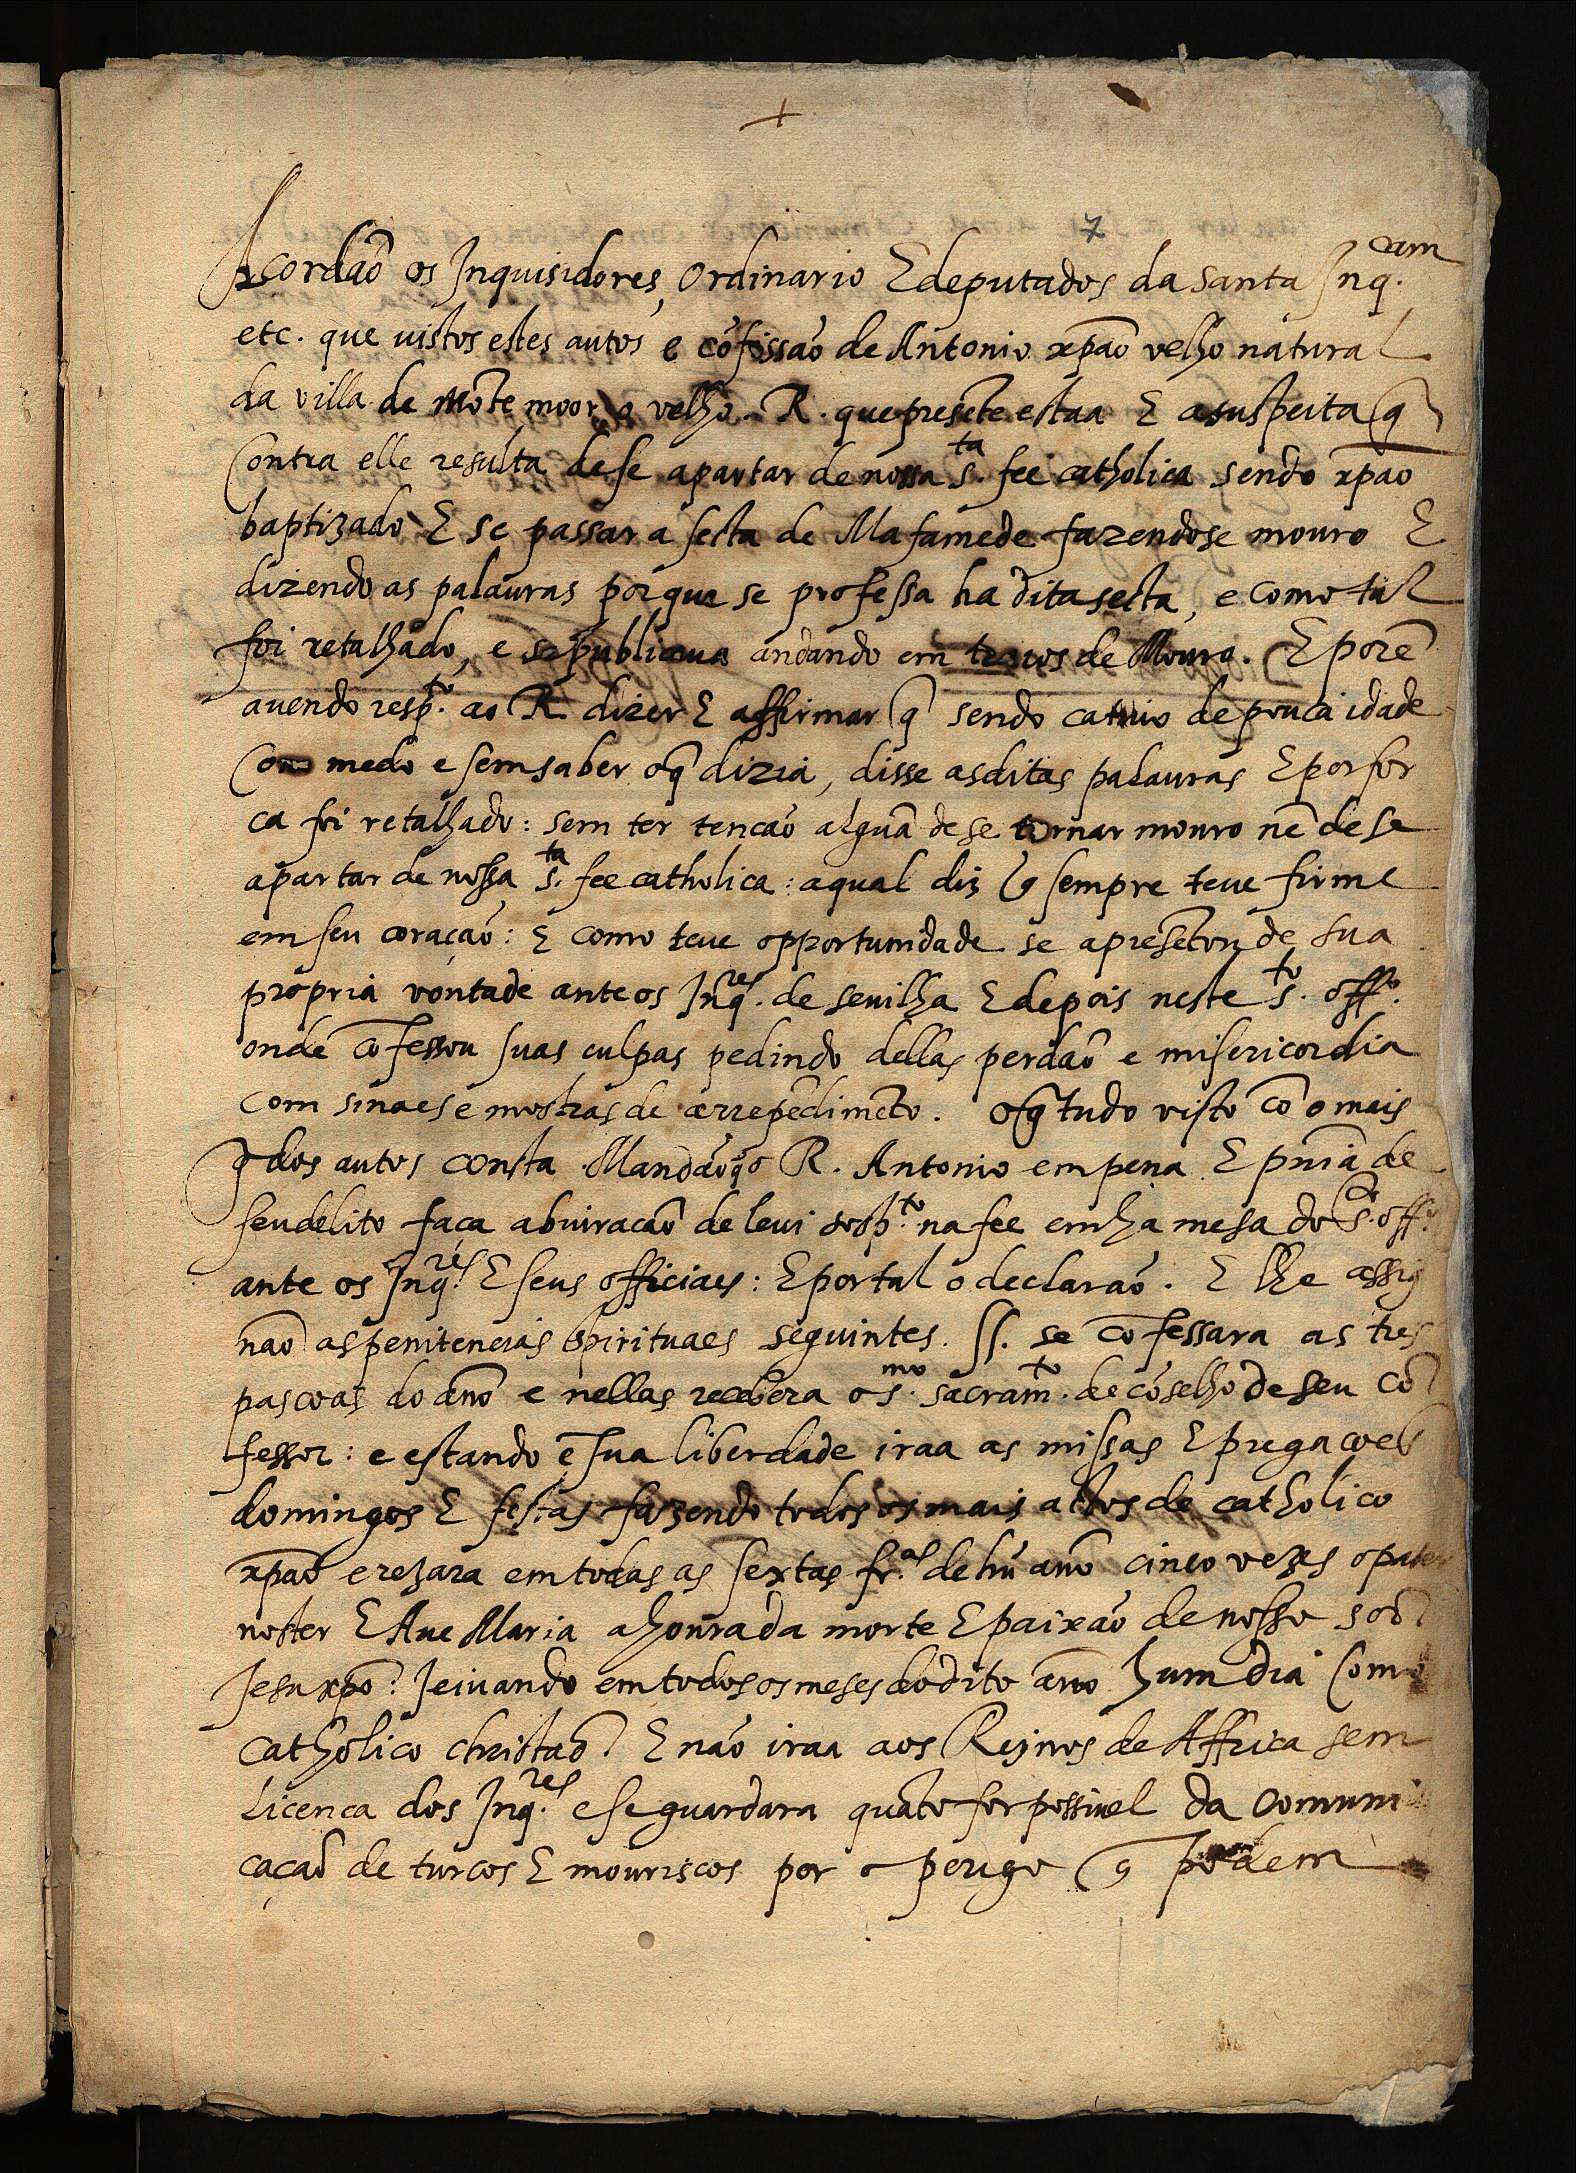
Acordão os Jnquisidores, Ordinario E deputados da santa Jnq.cam
etc. que uistos estes autos e cōfissaõ de Antonio xpão velho natural
da villa de Mōtemoor o velho .R. que presēte estaa E a suspeita q̄
Contra elle resulta de se apartar de nossa sta. fee catholica sendo xpão
baptizado E se passar a secta de Mafamede fazendose mouro E
dizendo as palauras porque se professa ha dita secta, e como tal
foi retalhada, e se publicaua andando em traios de Mouro. E porē
auendo resp.to ao R. dizer E affirmar q̄ sendo catiuo de pouca idade
Com medo e sem saber o q̄ dizia, disse as ditas palauras E por for
ca foi retalhado: sem ter tencaõ alguā de se tornar mouro nē de se
apartar de nossa s.ta fee catholica: a qual diz q̄ sempre teue firme
em seu coraçaõ: E como teue opportunidade se apresētou de sua
propria vontade ante os Jnq.res de seuilha E depois neste sto. offo.
onde c̄ofessou suas culpas pedindo dellas perdaõ e misericordia
com sinaes e mostras de arrepēdimēto. o q̄ tudo visto c̄o o mais
q̄ dos autos consta. Mandaõ q̄ o R. Antonio em pena E pnīa de
seu delito faça abiuracaõ de leui sosp.to na fee em ha mesa do s.to off.o
ante os Jnq.res E seus officiaes: E por tal o declaraõ. E lhe assig
não as penitencias spirituaes seguintes .ss. se c̄ofessara as tres
pascoas do an̄o e nellas recebera o smo. sacramto. de cōselho de seu cō
fessor: e estando ē sua liberdade iraa as missas E pregaçoẽs
domingos E festas fazendo todos os mais actos de catholico
xpão e rezara em todas as sextas fr.as de hū an̄o cinco vezes o pater
noster E Aue Maria a honra da morte E paixaõ de nosso sor̄
Jesu xp̄o: Jeiuando em todos os meses do dito an̄o hum dia Como
catholico christaõ. E naõ iraa aos Reynos de Affrica sem
licenca dos Jnq.res e se guardara quāto for possiuel da comuni
caçaõ de turcos E mouriscos por o perigo q̄ podem
